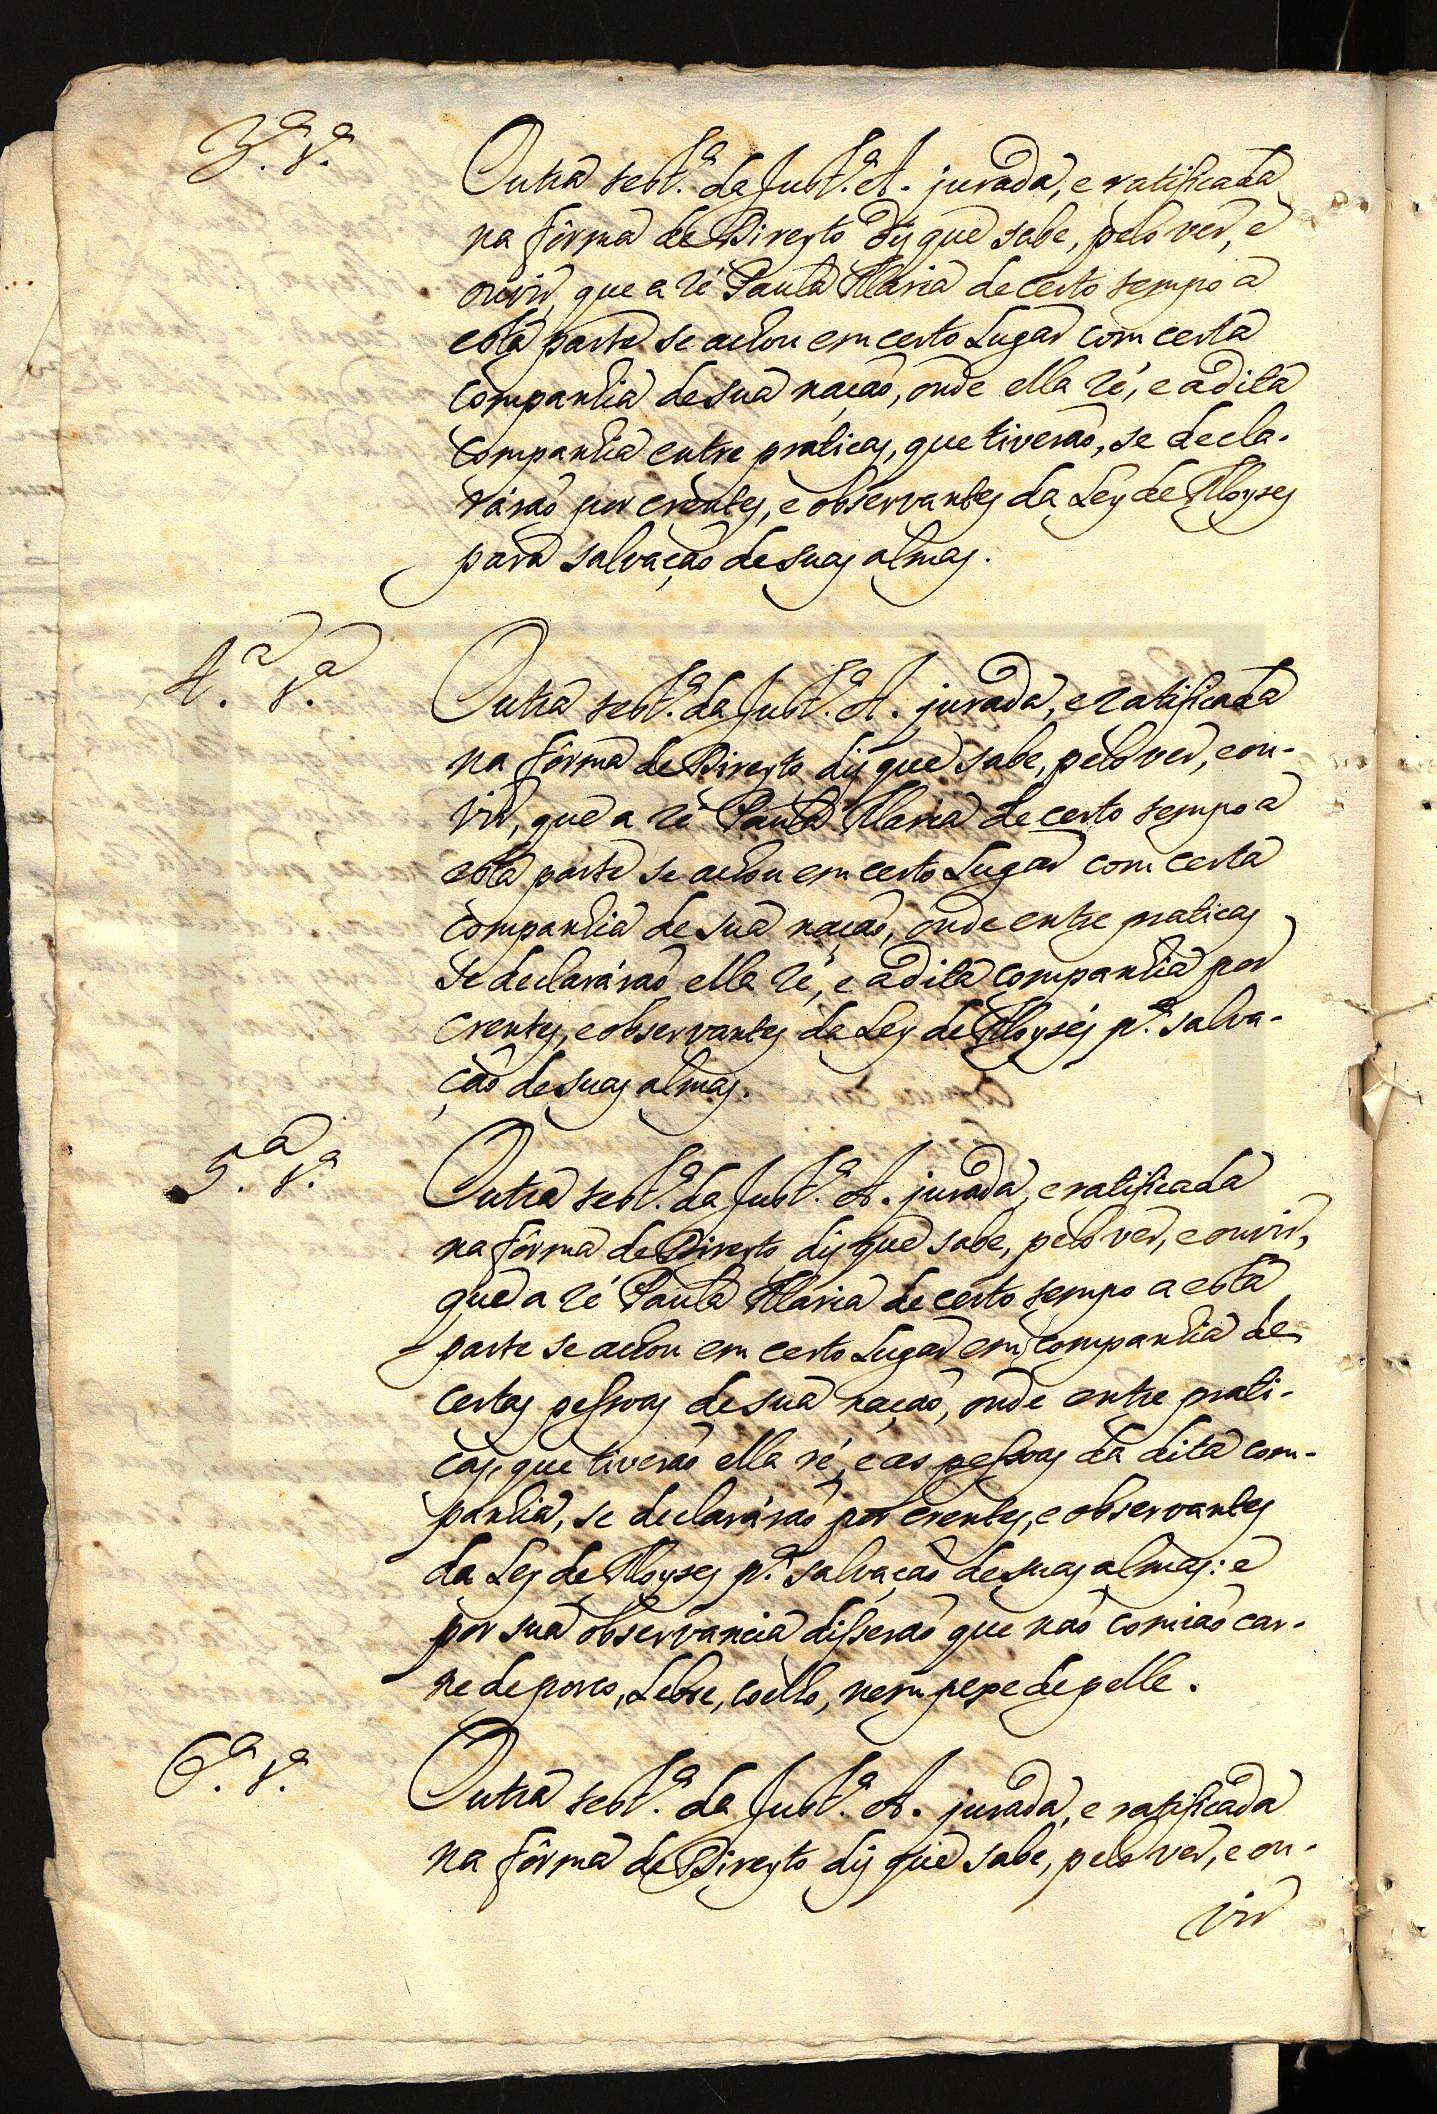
3.a t.a
Outra test.a de Just.a A. jurada, e ratificada
na fôrma de Direyto dis que sabe, pelo ver, e
ouvir, que a Ré Paula Maria de certo tempo a
esta parte se achou em certo Lugar com certa
companhia de sua naçaõ, onde ella Ré, e a dita
companhia entre praticas, que tiveraõ se decla
raraõ por crentes, e observantes da Ley de Moyzes
para salvaçaõ de suas almas.
4.a t.a
Outra test.a da Just.a A. jurada, e Ratificada
na fôrma de Direyto dis que sabe, pelo ver, e ou
vir, que a Ré Paula Maria de certo tempo a
esta parte se achou em certo Lugar com certa
companhia de sua naçaõ, onde entre praticas
se declaráraõ ella Ré, e a dita companhia por
crentes, e observantes da Ley de Moyzés p.a salva
çaõ de suas almas.
5.a t.a
Outra test.a da Just.a jurada, e ratificada
na fôrma de Direito dis que sabe, pelo ver, e ouvir,
que a Ré Paula Maria de certo tempo a esta
parte se achou em certo lugar em companhia de
certas pessoas de sua naçaõ, onde entre pra
ticas, que tiveraõ ella ré, e as pessoas da dita com
panhia, se declaráraõ por crentes, e observantes
da Ley de Moyzes p.a salvaçaõ de suas almas: e
por sua observancia disseraõ que naõ comiaõ car
ne de porco, Lebre, coelho, nem pexe de pelle.
6.a t.a
Outra test.a da Just.a A. jurada, e ratificada
na fôrma de Direyto dis que sabe, pelo ver e ou
vir
